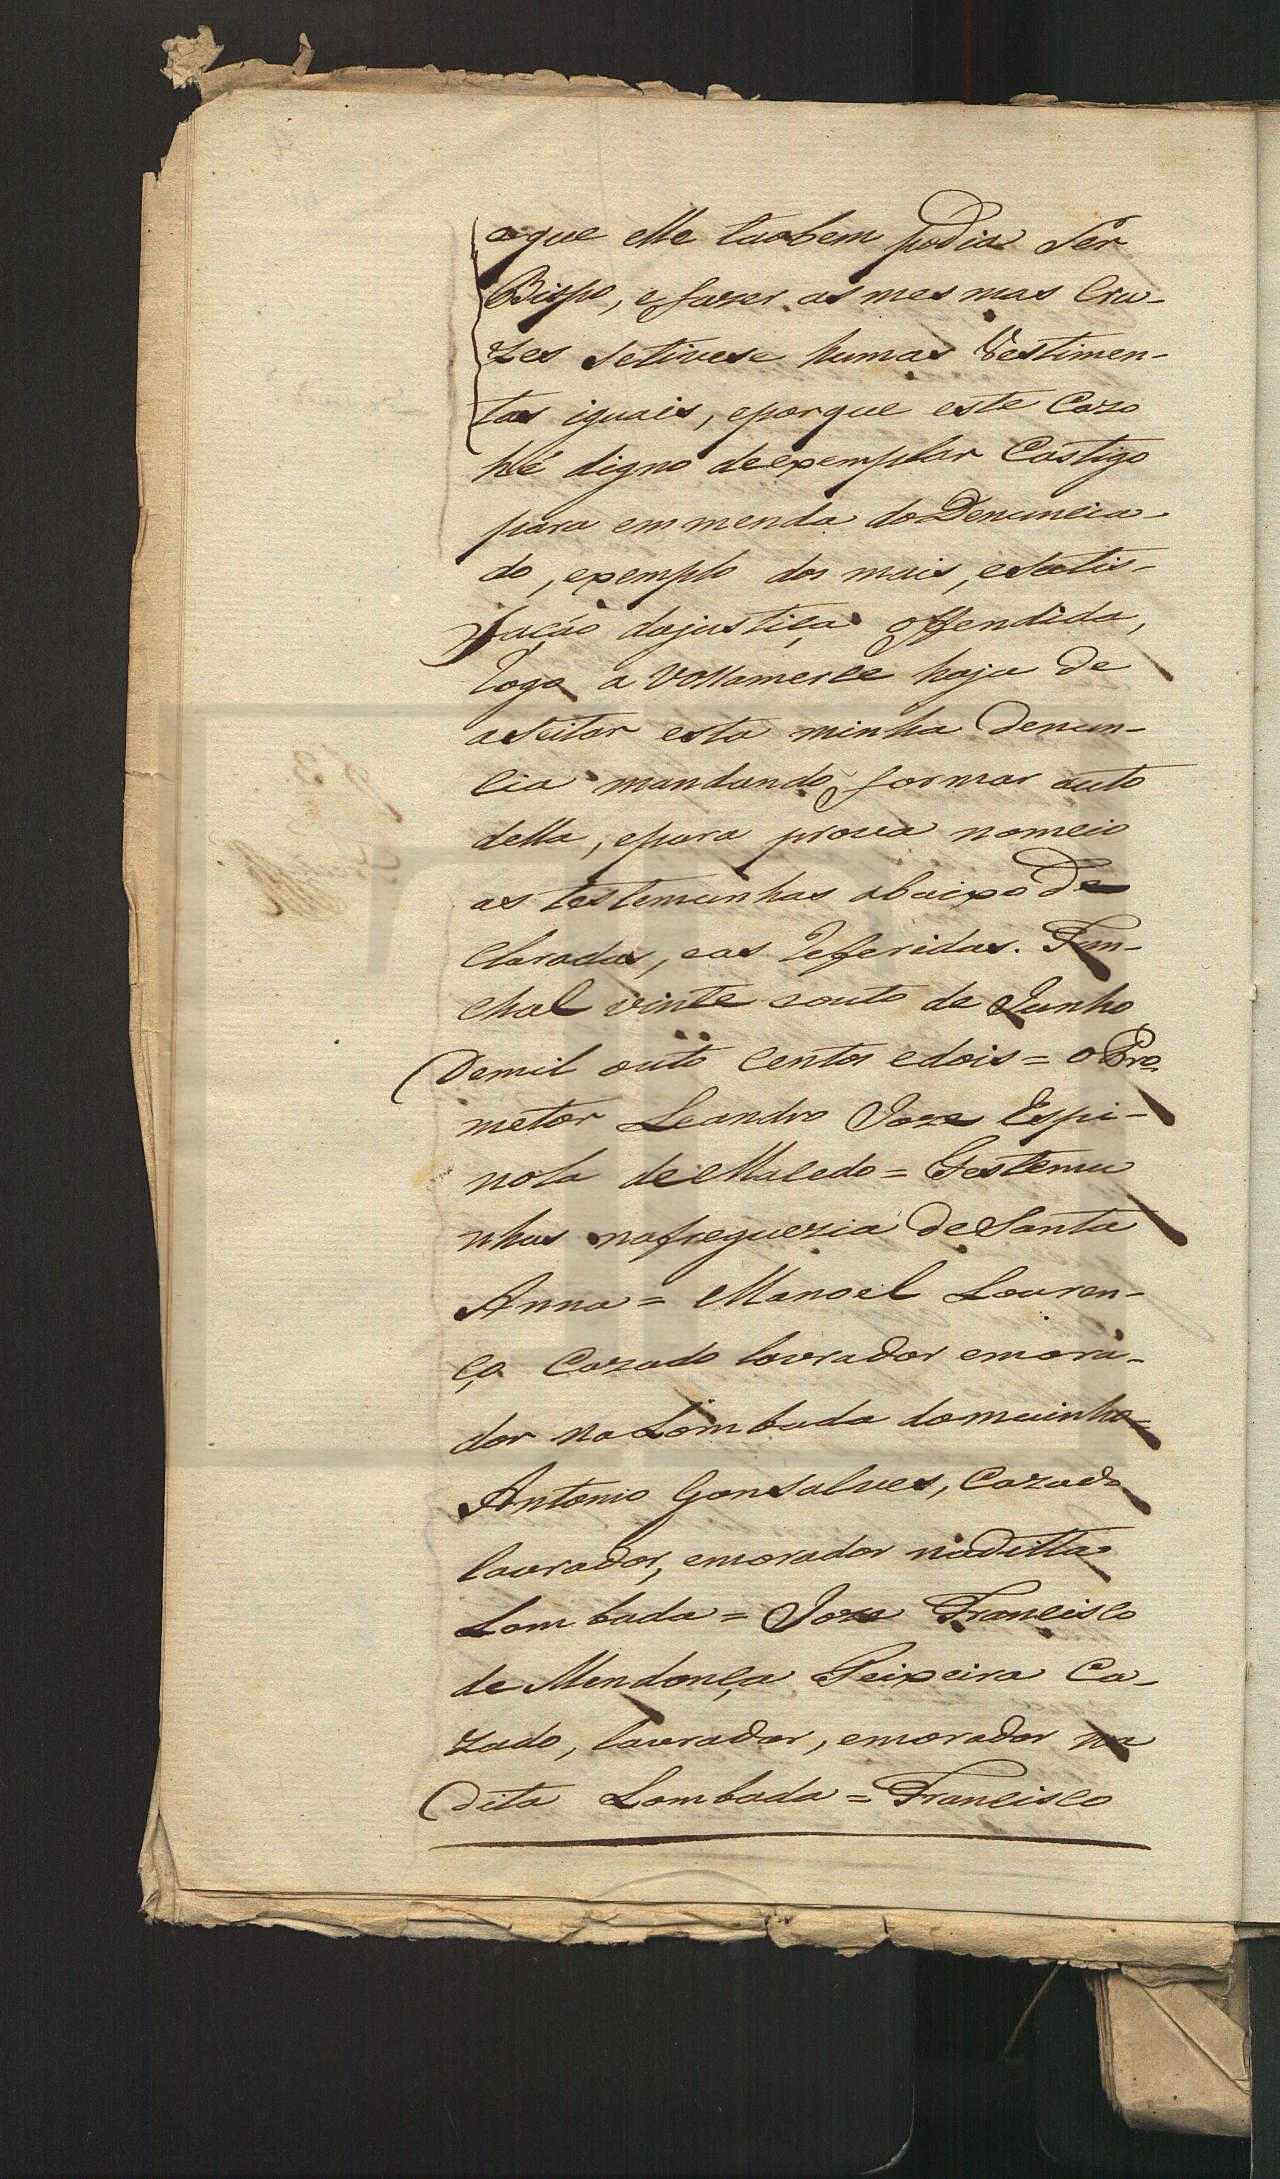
o que elle taobem podia ser
Bispo, e fazer as mesmas Cru
zes se tivese humas Vestimen
tas iguais, e porque este cazo
hé digno de exemplar Castigo
para emmenda do Denuncia
do, exemplo dos mais, e satis
fação da justiça offendida,
logo a vossa merce haja de
aseitar esta minha denun
cia mandando formar auto
della, e para proua nomeio
as testemunhas abaixo de
claradas, e as Referidas. Fun
chal vinte e outo de Iunho
de mil outocentos e dois = o Pro
metor Leandro Ioze Espi
nola de Macedo = Testemu
nhas na freguezia de Santa
Anna = Manoel Louren
ço cazado lavrador e mora
dor na Lombada do muinho
Antonio Gonsalves, cazado
lavrador, e morador na ditta
lombada = Joze Francisco
de Mendonça Teixeira ca
zado, lavrador, e morador na
dita Lombada = Francisco
